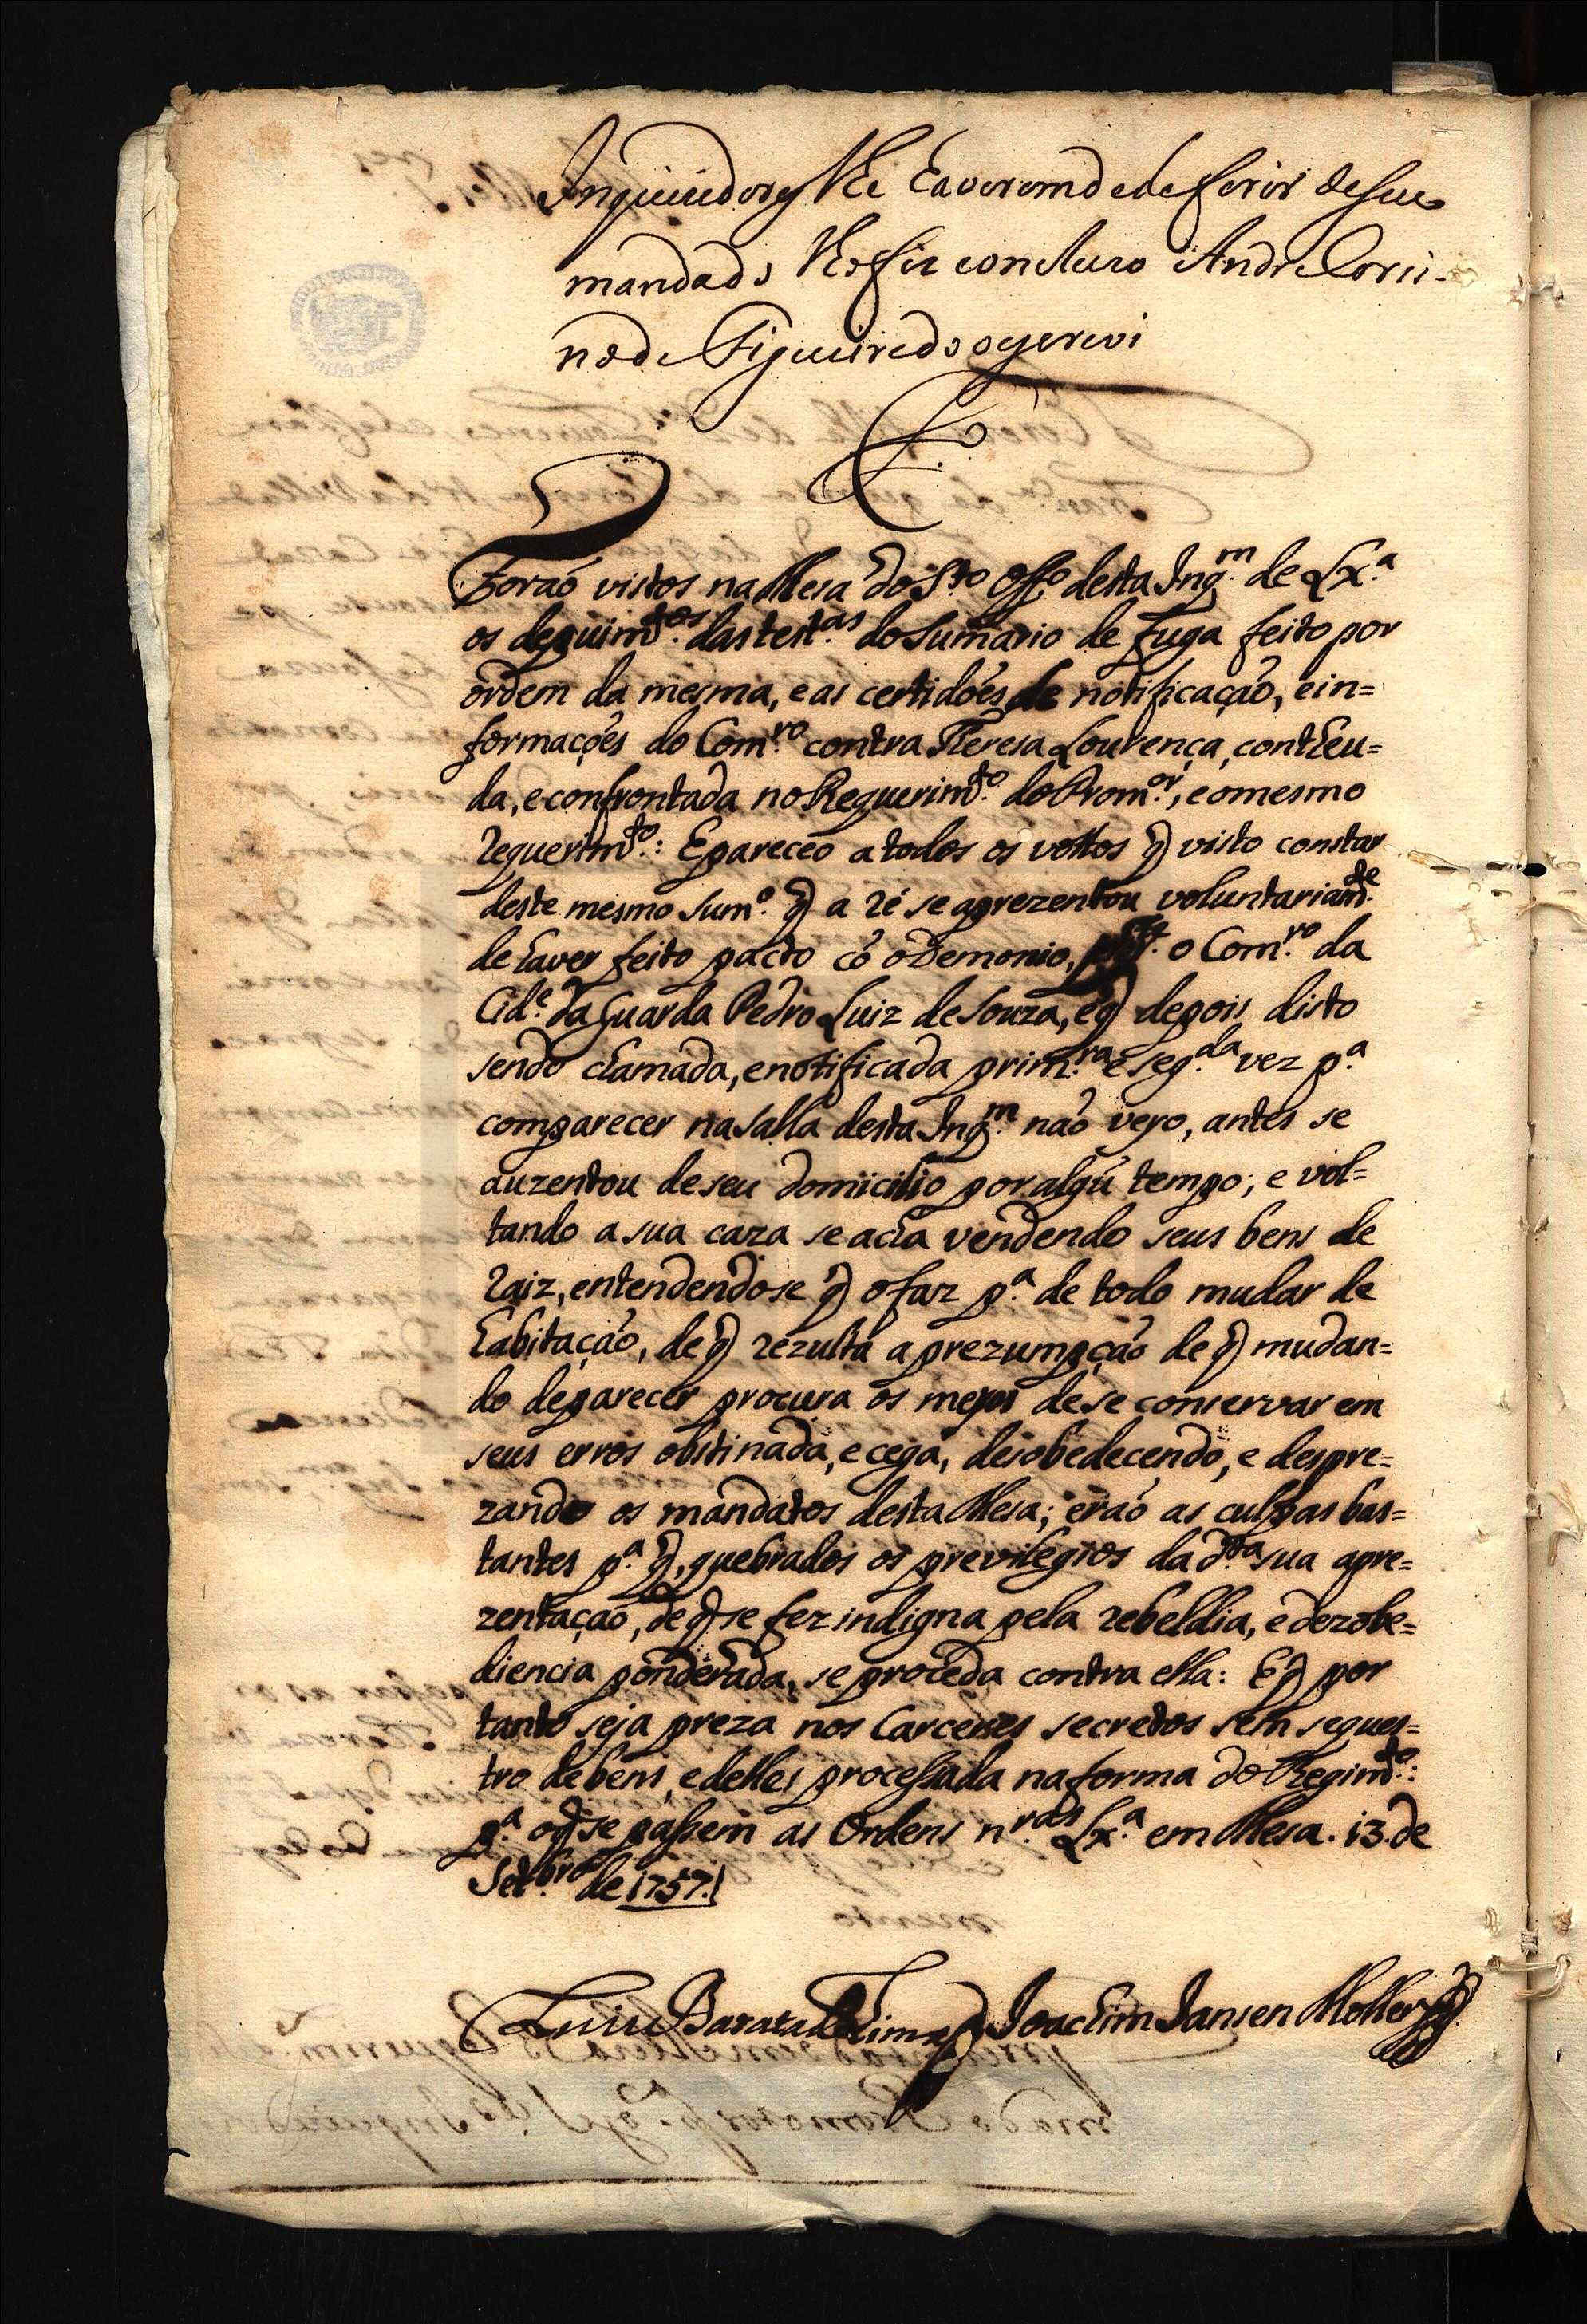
Inquisidores lhe haverem de deferir de seu
mandado lho fiz concluzo Andre Corsi
no de Figueiredo o escrevi
Foraõ vistos na Mesa do S.to Off.o desta Inq.m de Lx.a
os depuim.tos das test.as do Sumario de fuga feito por
ordem da mesma, e as certidoẽs de notificaçaõ, e in
formaçoẽs do Com.ro contra Theresa Lourença, contheu
da, e confrontada no Requerim.to do Prom.or, e o mesmo
Requerim.to: E pareceo a todos os vottos q̄ visto constar
deste mesmo Sumo. q̄ a ré se aprezentou voluntariam.te
de haver feito pacto cō o Demonio p.te o Com.ro da
Cid.e da Guarda Pedro Luiz de Souza, e q̄ depois disto
sendo chamada, e notificada prim.ra e seg.da vez p.a
comparecer na salla desta Inq.m naõ veyo, antes se
auzentou de seu domicilio por algū tempo; e vol
tando a sua caza se acha vendendo seus bens de
raiz, entendendose q̄ o faz p.a de todo mudar de
habitaçaõ, de q̄ rezulta a prezumpçaõ de q̄ mudan
do de parecer procura os meyos de se conservar em
seus erros obstinada, e cega, desobedecendo, e despre
zando os mandatos desta Mesa; eraõ as culpas bas
tantes p.a q̄, quebrados os previlegios da d.ta sua apre
zentação, de q̄ se fez indigna pela rebeldia, e dezobe
diencia ponderada, se proceda contra ella: E q̄ por
tanto seja preza nos Carceres secretos sem seques
tro de bens, e delles processada na forma do Regim.to:
p.a o q̄ se passem as Ordens n.ras Lx.a em Mesa. i3. de
Set.bro de i757. /
